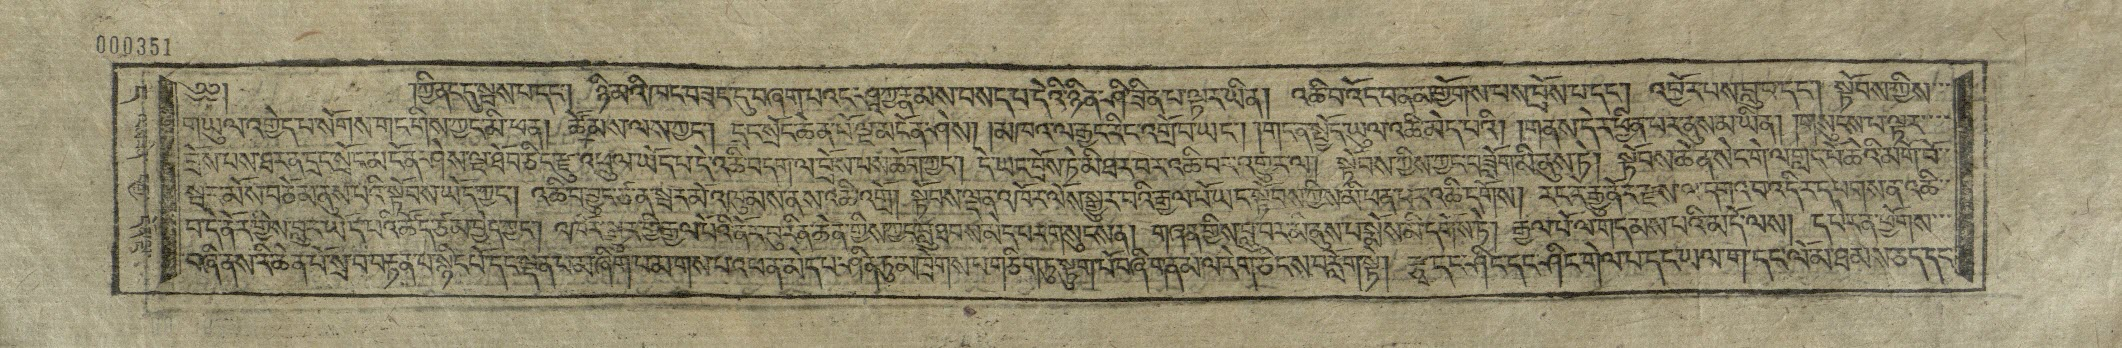༄༅། །ཀྱི་ནང་དུ་སྦས་པ་དང་། ཉི་མའི་ཁང་བཟང་དུ་བཞག་པའང་ཤཱཀྱ་རྣམས་བསད་པ་དེའི་ཉིན་ཤི་ཟིན་པ་ལྟར་ཡིན། འཆི་བ་འོང་བ་ན་མགྱོགས་པས་བྲོས་པ་དང་། འབྱོར་པས་གླུ་བ་དང་། སྟོབས་ཀྱིས་
གཡུལ་འགྱེད་པ་སོགས་གང་གིས་ཀྱང་མི་ཕན། ཚེ་མས་ལས་ཀྱང་། དྲང་སྲོང་ཆེན་པོ་ལྔ་མངོན་ཤེས། །མཁའ་ལ་རྒྱང་རིང་འགྲོ་བ་ཡང་། །གང་ན་སྤྱོད་ཡུལ་འཆི་མེད་པའི། །གནས་དེར་ཕྱིན་པར་ནུས་མ་ཡིན། །གསུངས་པ་ལྟར་
བྲོས་པས་ཐར་ན་དྲང་སྲོང་མངོན་ཤེས་ལྔ་ཐོབ་ཅིང་རྫུ་འཕྲུལ་ཡོད་པ་དེ་འཆི་བདག་ལ་བྲོས་པས་ཆོག་ཀྱང་། དེ་ཡང་བྲོས་ཏེ་མི་ཐར་བར་འཆི་བར་འགྱུར་ལ། སྟོབས་ཀྱིས་ཀྱང་བཟློག་མི་ནུས་ཏེ། སྟོབས་ཆེན་སེང་གེ་ལ་གླང་པོ་ཆེའི་མགོ་བོ་
སྦར་མོས་བཅོམ་ནུས་པའི་སྟོབས་ཡོད་ཀྱང་། འཆི་བ་བྱུང་ཙ་ན་སྦར་མོ་འཁུམས་ནས་འཆི་འགྲོ། སྟོབས་ལྡན་འཁོར་ལོས་སྒྱུར་བའི་རྒྱལ་པོ་ཡང་སྟོབས་ཀྱིས་མི་ཕན་པར་འཆི་དགོས། རང་རེ་རྒྱུ་ནོར་རྫས་ལ་དགའ་བ་འདིར་དཔགས་ན་འཆི་
བ་དེ་ནོར་གྱིས་བླུར་ཡོད་པའི་ཚོད་ཙམ་བྱེད་ཀྱང་། འཁོར་སྒྱུར་གྱི་རྒྱལ་པོའི་ནོར་བུ་རིན་ཆེན་གྱིས་ཀྱང་བླུ་ཐབས་མེད་པར་གསུངས་ན། གཞན་གྱིས་བླུ་བར་མི་ནུས་པ་སྨོས་མི་དགོས་ཏེ། རྒྱལ་པོ་ལ་གདམས་པའི་མདོ་ལས། དཔེར་ན་ཕྱོགས་
བཞི་ནས་རི་ཆེན་པོ་སྲ་བ་བརྟན་པ་སྙིང་པོ་དང་ལྡན་པ་མ་ཞིག་མ་མ་གས་པ་འཕན་མེད་པ་ཤིན་ཏུ་མཁྲེགས་པ་གཅིག་ཏུ་སྟུག་པོ་བཞི་གནམ་ལ་རེག་ཅིང་ས་བརློག་སྟེ། རྩྭ་དང་ཤིང་དང་ཤིང་གེལ་པ་དང་ཡལ་ག་དང་ལོ་མ་ཐམས་ཅད་དང་